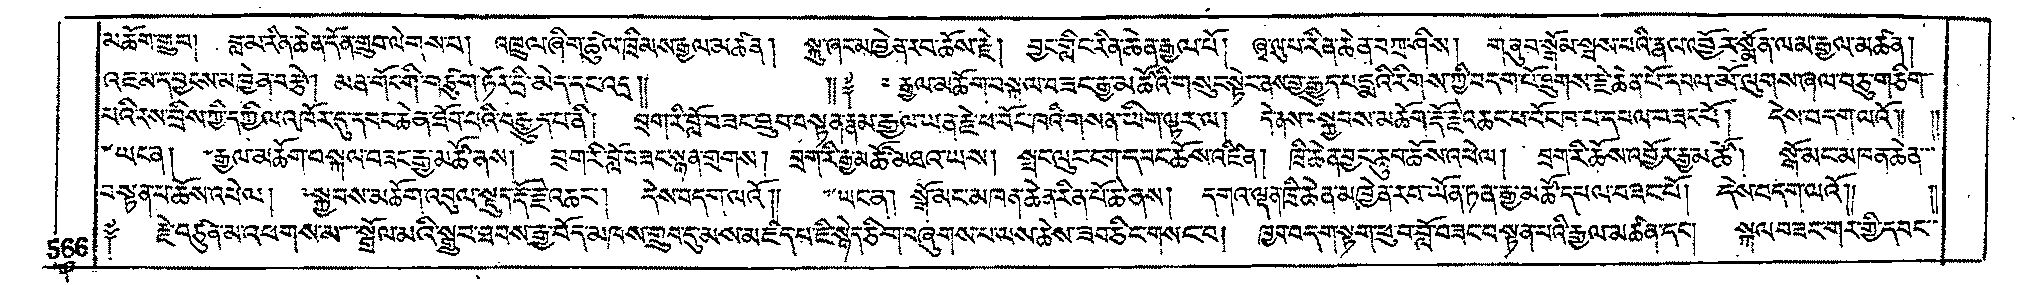མཆོག་གྲུབ། བླ་མ་རིན་ཆེན་དོན་གྲུབ་ལེགས་པ། འཁྲུལ་ཞིག་ཚུལ་ཁྲིམས་རྒྱལ་མཚན། སྐུ་ཞང་མཁྱེན་རབ་ཆོས་རྗེ། བྱང་གླིང་རིན་ཆེན་རྒྱལ་པོ། ཞྭ་ལུ་པ་རིན་ཆེན་བཀྲ་ཤིས། གཞུབ་སྒོམ་སྦས་པའི་རྣལ་འབྱོར་སྨོན་ལམ་རྒྱལ་མཚན།
འཇམ་དབྱངས་མཁྱེན་བརྩེ། མན་གོང་གི་གཙུག་ཏོར་དྲི་མེད་དང་འདྲ།། །།འ ༧རྒྱལ་མཆོག་བསྐལ་བཟང་རྒྱ་མཚོའི་གསུང་སྟེང་ནས་བྱ་རྒྱུད་པདམའི་རིགས་ཀྱི་བདག་པོ་ཐུགས་རྗེ་ཆེན་པོ་དཔལ་མོ་ལུགས་ཞལ་བཅུ་གཅིག་
པའི་རས་བྲིས་ཀྱི་དཀྱིལ་འཁོར་དུ་དབང་ཆེན་ཐོབ་པའི་བརྒྱུད་པ་ནི། བྲག་རི་བློ་བཟང་ཐུབ་བསྟན་རྣམ་རྒྱལ་ཡན་རྗེ་ཕ་བོང་ཁའི་གསན་ཡིག་ལྟར་ལ། དེ་ནས ༧སྐྱབས་མཆོག་རྡོ་རྗེ་འཆང་ཕ་བོང་ཁ་པ་དཔལ་བཟང་པོ། དེས་བདག་ལའོ།། །།
༧་ཡང་ན། ༧་རྒྱལ་མཆོག་བསྐལ་བཟང་རྒྱ་མཚོ་ནས། བྲག་རི་བློ་བཟང་སྙན་གྲགས། བྲག་རི་རྒྱ་མཚོ་མཐའ་ཡས། སྤང་ལུང་ངག་དབང་ཆོས་འཛིན། ཁྲི་ཆེན་བྱང་ཆུབ་ཆོས་འཕེལ། བྲག་རི་ཆོས་འབྱོར་རྒྱ་མཚོ། སྒོ་མང་མཁན་ཆེན་
བསྟན་པ་ཆོས་འཕེལ། ༧་སྐྱབས་མཆོག་འབུལ་སྡུད་རྡོ་རྗེ་འཆང་། དེས་བདག་ལའོ།། ༧་ཡང་ན། སྒོ་མང་མཁན་ཆེན་རིན་པོ་ཆེ་ནས། དགའ་ལྡན་ཁྲི་ཆེན་མཁྱེན་རབ་ཡོན་ཏན་རྒྱ་མཚོ་དཔལ་བཟང་པོ། དེས་བདག་ལའོ།། །།
འ་རྗེ་བཙུན་མ་འཕགས་མསྒྲོལ་མའི་སྒྲུབ་ཐབས་རྒྱ་བོད་མཁས་གྲུབ་དུ་མས་མཛད་པ་ཇི་སྙེད་ཅིག་བཞུགས་པ་ལས་ཆེས་ཟབ་ཅིང་གསང་བ། ཁྱབ་བདག་སྟག་ཕུ་བ་བློ་བཟང་བསྟན་པའི་རྒྱལ་མཚན་དང་། སྐལ་བཟང་གར་གྱི་དབང་